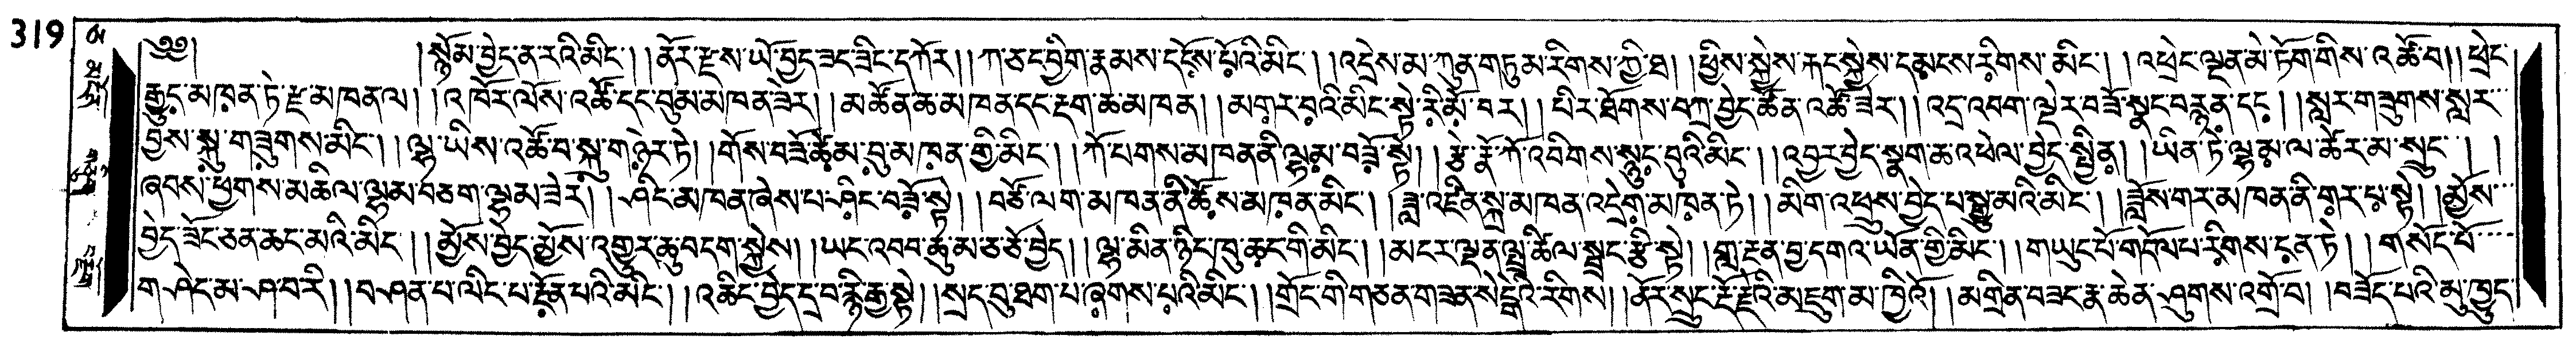༄༅། །སྙིམ་བྱེད་ན་རའི་མིང་། ནོར་རྫས་ཡོ་བྱད་ཟང་ཟིང་དཀོར། །ཀ་ཅང་བྱིག་རྣམས་དངོས་པོའི་མིང་། །འདྲེས་མ་ཀུན་གཏུམ་རིགས་ཀྱི་ཐ། །ཕྱིས་སྐྱེས་རྐང་སྐྱེས་དམངས་རིགས་མིང་། །འཕྲེང་ལྡན་མེ་ཏོག་གིས་འཚོ་བ། །ཕྲེང་
རྒྱུང་མཁན་ཏེ་རྩ་མྐན་ལ། །འཁོར་ལོས་འཚོ་དང་བུམ་མཁན་ཟེར། །མཚོན་ཆ་མྐང་དང་རྡག་ཆ་མྐན། །མགར་བའི་མིང་སྟེ་རིམ་བར། །པོར་ཐོགས་བཀྲ་བྱེད་ཚོན་འཚོ་ཙེར། །འདྲ་འབག་ལྡེར་བཟོ་སྣང་བརྙན་དང་། སླར་གཟུགས་སླར་
བྱས་སྐུ་གཟུགས་མིང་། །ལྷ་ཡིས་འཚོ་བ་སྐུ་གཉེར་ཏེ། །གོས་བཟོ་ཚོམ་བུ་མཁན་གྱི་མིང་། །ཀོ་པགས་མཁན་ནི་ལྷམ་བཟོ་སྟེ། །རྩེ་རྣོ་ཀོ་འབིགས་སྙིང་བུའི་མིང་། །འབྱར་བྱེད་སྣག་ཆ་འཕེལ་བྱེད་སྤྱིན། །ཡིན་ཏེ་ལྷ་མ་ལ་ཚོར་མ་སྲུང་། །
ཞབས་ཕྱགས་འཆིལ་ལྷམ་བཅག་ལྷ་མ་ཟེར། །ཤིང་མཁན་ཞེས་པ་ཤིང་བཟོ་སྟེ། །བཙོ་ལག་མཁན་ནི་ཚོས་མཁན་མིང་། །ཟླ་འཛིན་སྐྲ་མཁན་འདྲེག་མཁན་ཏེ། །མིག་འཕྲུས་བྱེད་པ་སྒྱུ་མའི་མིང་། །ཟློས་གར་མཁན་ནི་གར་པ་སྟེ། །མྱོས་
བྱེད་ཟོང་ཅན་ཆང་མིའི་མིང་། །མྱོས་བྱེད་རྨོས་འགྱུར་ཆུ་བདག་སྐྱེས། །ཡང་འབབ་ཆུས་མ་ཅ་ཅོ་བྱེད། །ལྷ་མིན་ཉིང་ཁུ་ཆང་གི་མིད། །མདར་ལྡན་ལྦ་ཚིལ་སྤྲང་རྩེ་སྟེ། །གླ་རྡན་བྱ་དགའ་ཡོན་གྱི་མིང་། །གཡུང་པོ་གདོལ་པ་རིགས་ངག་ཏེ། གསོད་པོ་
གཤེད་མ་ཤབ་རི། །བཤན་པ་ལིང་པ་རྔོན་པའི་མིང་། །འཆིང་བྱེད་དྲ་བ་རྙི་རྒྱ་སྟེ། །སྲད་བུ་ཐག་པ་ཞགས་པའི་མིང་། །གྲོང་གི་གཅན་གཟན་སེངེའི་རིགས། །ནོར་སྲུང་རྡོ་རྗེའི་མཇུག་མ་ཁྱིའོ། །མགྲིན་བཟང་རྣ་ཆེན་ཤུགས་འགྲོ་བ། །བཟོད་པའི་མུ་ཁྱུད་